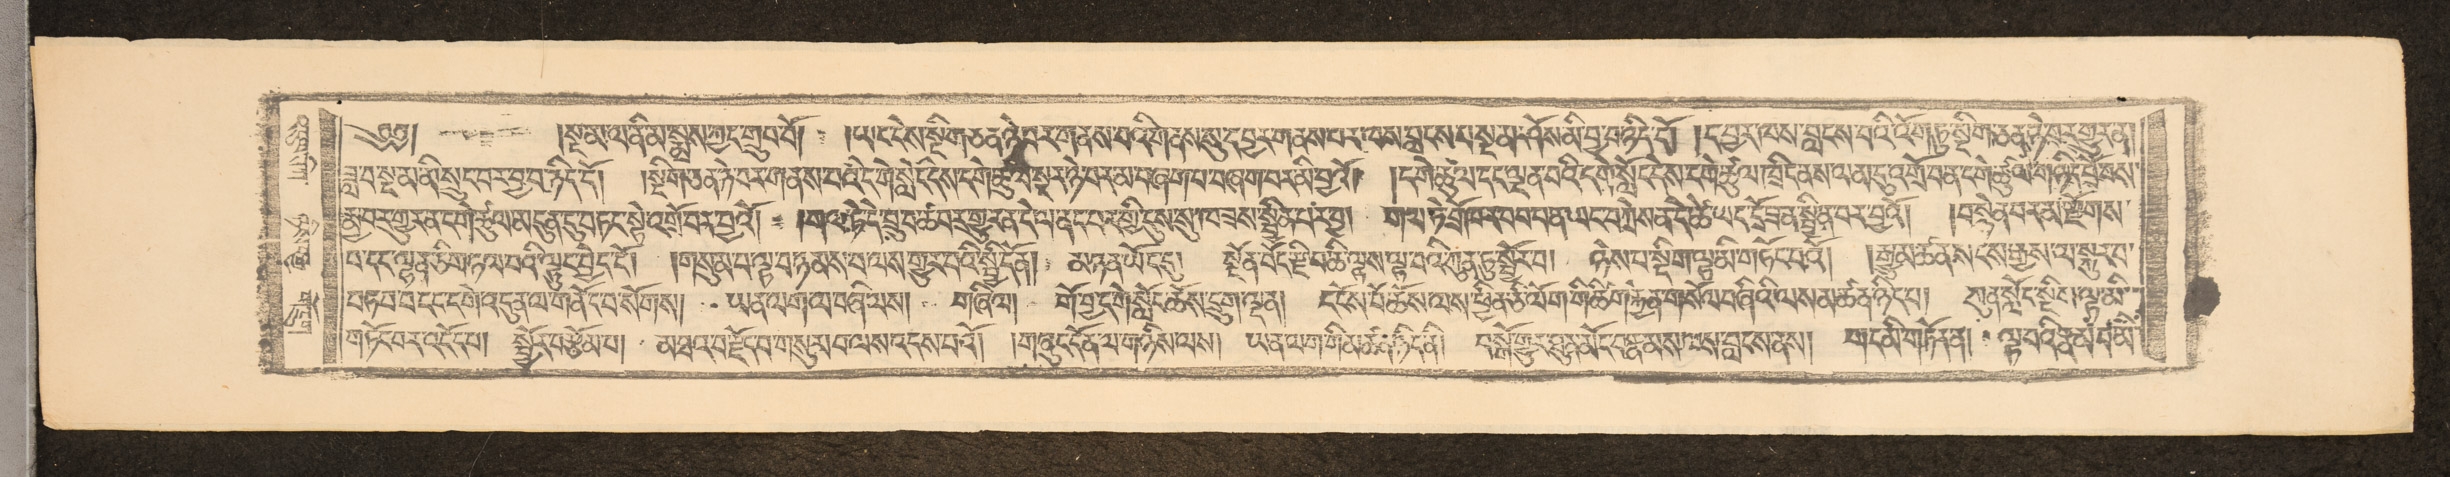༄༅། །སྔ་མ་ལ་ནི་མ་སྨྲས་ཀྱང་གྲུབ་བོ། །ཡང་དེས་སྡིག་ཅན་ཉེ་བར་གནས་པའི་གནས་སུ་དབྱར་གནས་པར་ཁས་བླངས་པ་སྡམ་ཤོས་མི་བྱ་བ་ཉིད་དོ། །དབྱར་ཁས་བླངས་པའི་འོག་ཏུ་སྡིག་ཅན་ཉེ་བར་གྱུར་ན།
ཟླ་བ་སྔ་མ་མི་སྲུང་བར་བྱ་བ་ཉིད་དོ། །སྡིག་ཅན་ཉེ་བར་གནས་པའི་དགེ་སློང་དེས་དགེ་ཚུལ་སྔར་ཉེ་བར་མ་བཞག་པ་བཞག་པར་མི་བྱའོ། །དགེ་ཚུལ་དང་ལྡན་པའི་དགེ་སློང་དེས་དགེ་ཚུལ་ཁྲིད་ནས་ལམ་དུ་འགྲོ་བ་ན་དགེ་ཚུལ་གཉིད་བྲོ་བས་
རྨྱ་བར་གྱུར་ན་དགེ་ཚུལ་མདུན་དུ་བཏང་སྟེ་འགྲོ་བར་བྱའོ། །གལ་ཏེ་དེ་བྲུ་བ་ཚ་བར་གྱུར་ན་དེ་ལ་ནང་པར་གྱི་དུས་སུ་ཁ་ཟས་སྦྱིན་པར་བྱ། གལ་ཏེ་གྲོ་ཁར་བབ་པ་ན་ཡང་བཀྲེས་ན་དེ་ཚེ་ཡང་དྲོ་ཟན་སྦྱིན་པར་བྱའོ། །བསྙེན་པར་མ་རྫོགས་
པ་དང་ལྷན་ཅིག་ཉལ་བའི་ལྟུང་བྱེད་དོ། །གསུམ་པ་ལྟ་བ་ཉམས་པ་ལས་གྱུར་བའི་སྦྱི་དོན། མཉན་ཡོད་དུ། སྔོན་བོང་རྫི་འཆི་ལྟས་ལྟ་བའི་ཀུན་ཏུ་སྦྱོར་བ། ཉེས་པ་སྡིག་ལྟ་མི་གཏོང་བའོ། །རྒྱུ་མཚན་སངས་རྒྱས་ལ་སྐུར་བ་
བཏབ་པ་དང་དགེ་འདུན་ལ་གནོད་པ་སོགས། ཡན་ལག་ལ་བཞི་ལས། གཞི་ལ། གོ་བྱ་དགེ་སློང་ཆོས་དྲུག་ལྡན། དངོས་པོ་ཆོས་ལས་ཕྱིན་ཅི་ལོག་གི་ཚིག་རྐྱེན་གསོལ་བཞིའི་ལས་མཚན་ཉིད་པ། ཀུན་སློང་སྡིག་ལྟ་མི་
གཏོང་བར་འདོད་པ། སྦྱོར་བ་རྩོམ་པ། མཐའ་བརྗོད་པ་གསུམ་པ་ལས་འདས་བའོ། །གཞུང་དོན་ལ་གཉིས་ལས། ཡན་ལག་གི་མཚན་ཉིད་ནི། བསྒོ་གྱུར་ཐུན་མོང་བ་རྣམས་ཁས་བླངས་ནས། གང་མི་གཏོང་ན། ལྟ་བའི་རྣམ་པ་མི་